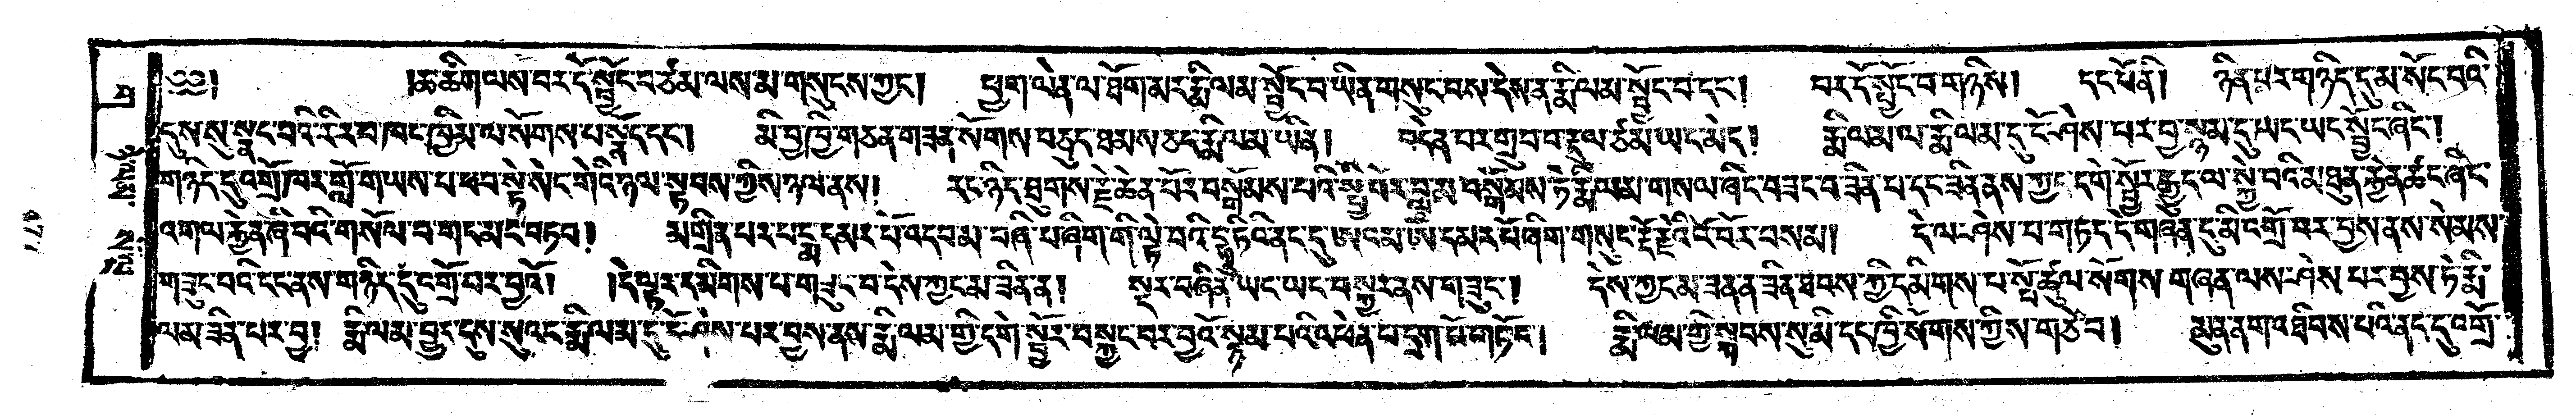༄༅། །ཆ་ཚིག་ལས་བར་དོ་སྦྱོང་བ་ཙམ་ལས་མ་གསུངས་ཀྱང་། ཕྱག་ལེན་ལ་ཐོག་མར་རྨི་ལམ་སྦྱོང་བ་ཡིན་གསུང་བས་དེས་ན་རྨི་ལམ་སྦྱོང་བ་དང་། བར་དོ་སྤྱོང་བ་གཉིས། དང་པོ་ནི། ཉིན་པར་གཉིད་དུ་མ་སོང་བའི་
དུས་སུ་སྣང་བའི་རི་རབ་ཁང་ཁྱིམ་ལ་སོགས་པ་སྣོད་དང་། མི་བྱ་ཁྱི་གཅན་གཞན་སོགས་བཅུད་ཐམས་ཅད་རྨི་ལམ་ཡིན། བདེན་པར་གྲུབ་པ་རྡུལ་ཙམ་ཡང་མེད། རྨི་ལམ་ལ་རྨི་ལམ་དུ་ངོ་ཤེས་པར་བྱ་སྙམ་དུ་ཡང་ཡང་སྦྱོང་ཞིང་།
གཉིད་དུ་འགྲོ་ཁར་གློ་གཡས་པ་ཕབ་སྟེ་སེང་གེའི་ཉལ་སྟབས་ཀྱིས་ཉལ་ནས། རང་ཉིད་ཐུགས་རྗེ་ཆེན་པོར་བསྒོམས་པའི་སྦྱི་བོར་བླ་མ་བསྒོམས་ཏེ་རྨི་ལམ་གསལ་ཞིང་བཟང་བ་ཟིན་པ་དང་ཟིན་ནས་ཀྱང་དགེ་སྦྱོར་རྒྱུད་ལ་སྐྱེ་བའི་མཐུན་རྐྱེན་ཚང་ཞིང་
འགལ་རྐྱེན་ཞི་བའི་གསོལ་བ་གང་མང་བཏབ། མགྲིན་པར་པདམ་དམར་པོ་འདབ་མ་བཞི་པ་ཞིག་གི་ལྟེ་བའི་དྷཱུ་ཏིའི་ནང་དུ་ཨཱཨམ་ཨོཾ་དམར་པོ་ཞིག་གསུང་རྡོ་རྗེའི་བོ་བོར་བསམ། དེ་ལ་ཤེས་པ་གཏད་དེ་གཞན་དུ་མི་འགྲོ་བར་བྱས་ནས་སེམས་
གཟུང་བའི་ངང་ནས་གཉིད་དུ་འགྲོ་བར་བྱའོ། །དེ་ལྟར་དམིགས་པ་གཟུང་བ་དེས་ཀྱང་མ་ཟིན་ན། སྔར་བཞིན་ཡང་ཡང་བསྐྱར་ནས་གཟུང་། དེས་ཀྱང་མ་ཟན་ན་ཟིན་ཐབས་ཀྱི་དམིགས་པ་སྦོ་ཚུལ་སོགས་གཞན་ལས་ཤེས་པར་བྱས་ཏེ་རྨི་
ལམ་ཟིན་པར་བྱ། རྨི་ལམ་བྱུང་དུས་སུའང་རྨི་ལམ་དུ་ངོ་ཤེས་པར་བྱས་ནས་རྨི་ལམ་གྱི་དགེ་སྦྱོར་བསྐྱང་བར་བྱའོ་སྙམ་པའི་འཕེན་པ་དྲག་པོ་གཏོང་། རྨི་ལམ་གྱི་སྐབས་སུ་མི་དང་ཁྱི་སོགས་ཀྱིས་གཙོ་བ། མུན་ནག་འཐིབས་པའི་ནང་དུ་འགྲོ་